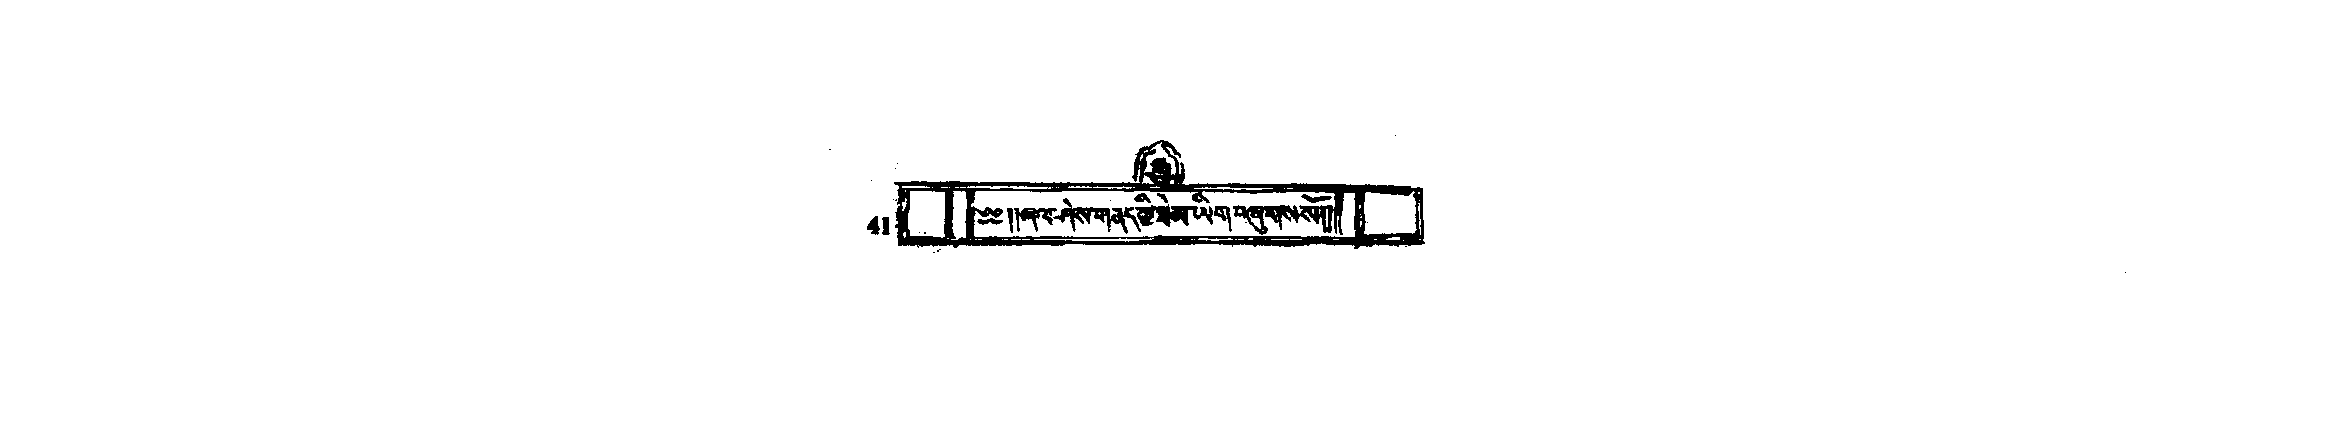??རྒྱ྄་༄༅། །ཞལ་ཤེས་གནད་ཀྱི་ཐིམ་ཡིག་བཞུགས་སོ། །